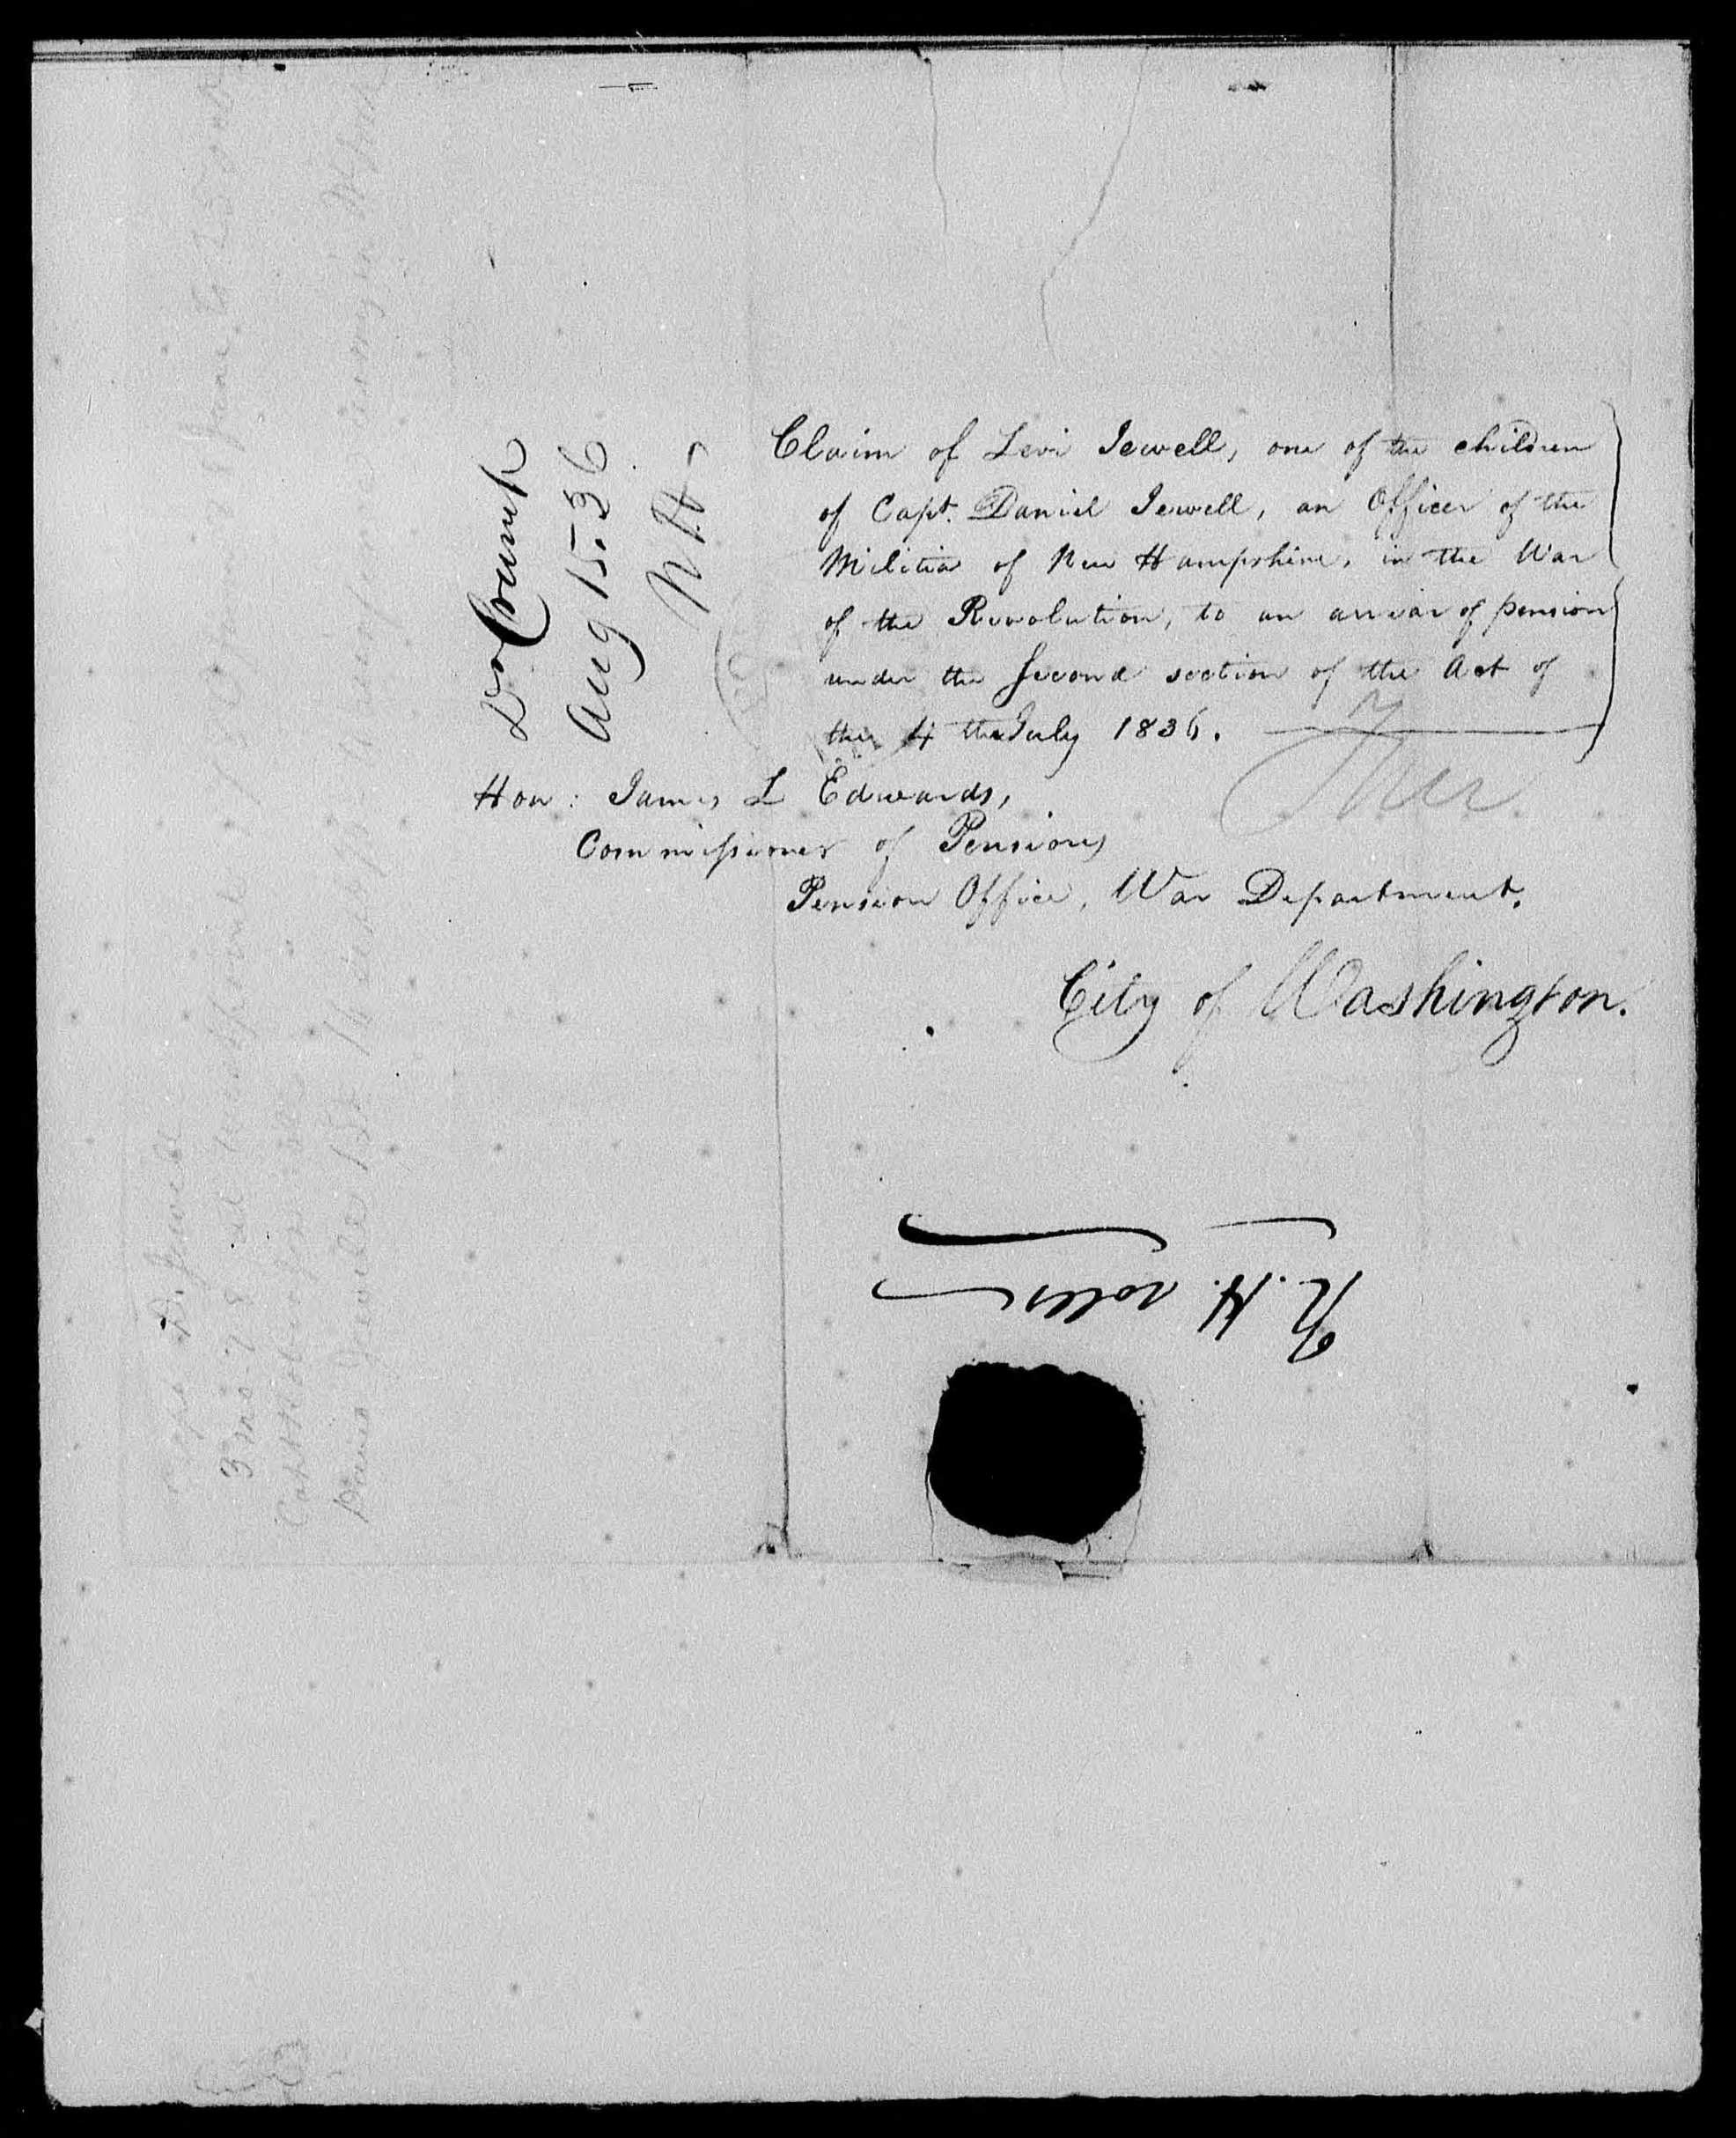[illegible] Aug 15. 18[36] N.H.

Claim of Levi Jewell, one of the children of Capt. Daniel Jewell, an Officer of the Militia of New Hampshire in the War of the Revolution, to an arear of pension under the second section of the act of the 4th July 1836.

Free [postage] 

Hon. James L Edwards,
Commissioner of Pensions
Pension Office War Department,
City of Washington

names: James L Edwards; Levi Jewell; Daniel Jewell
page: 22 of 35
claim: survivor's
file: S. 10912, for Daniel Jewell, New Hampshire